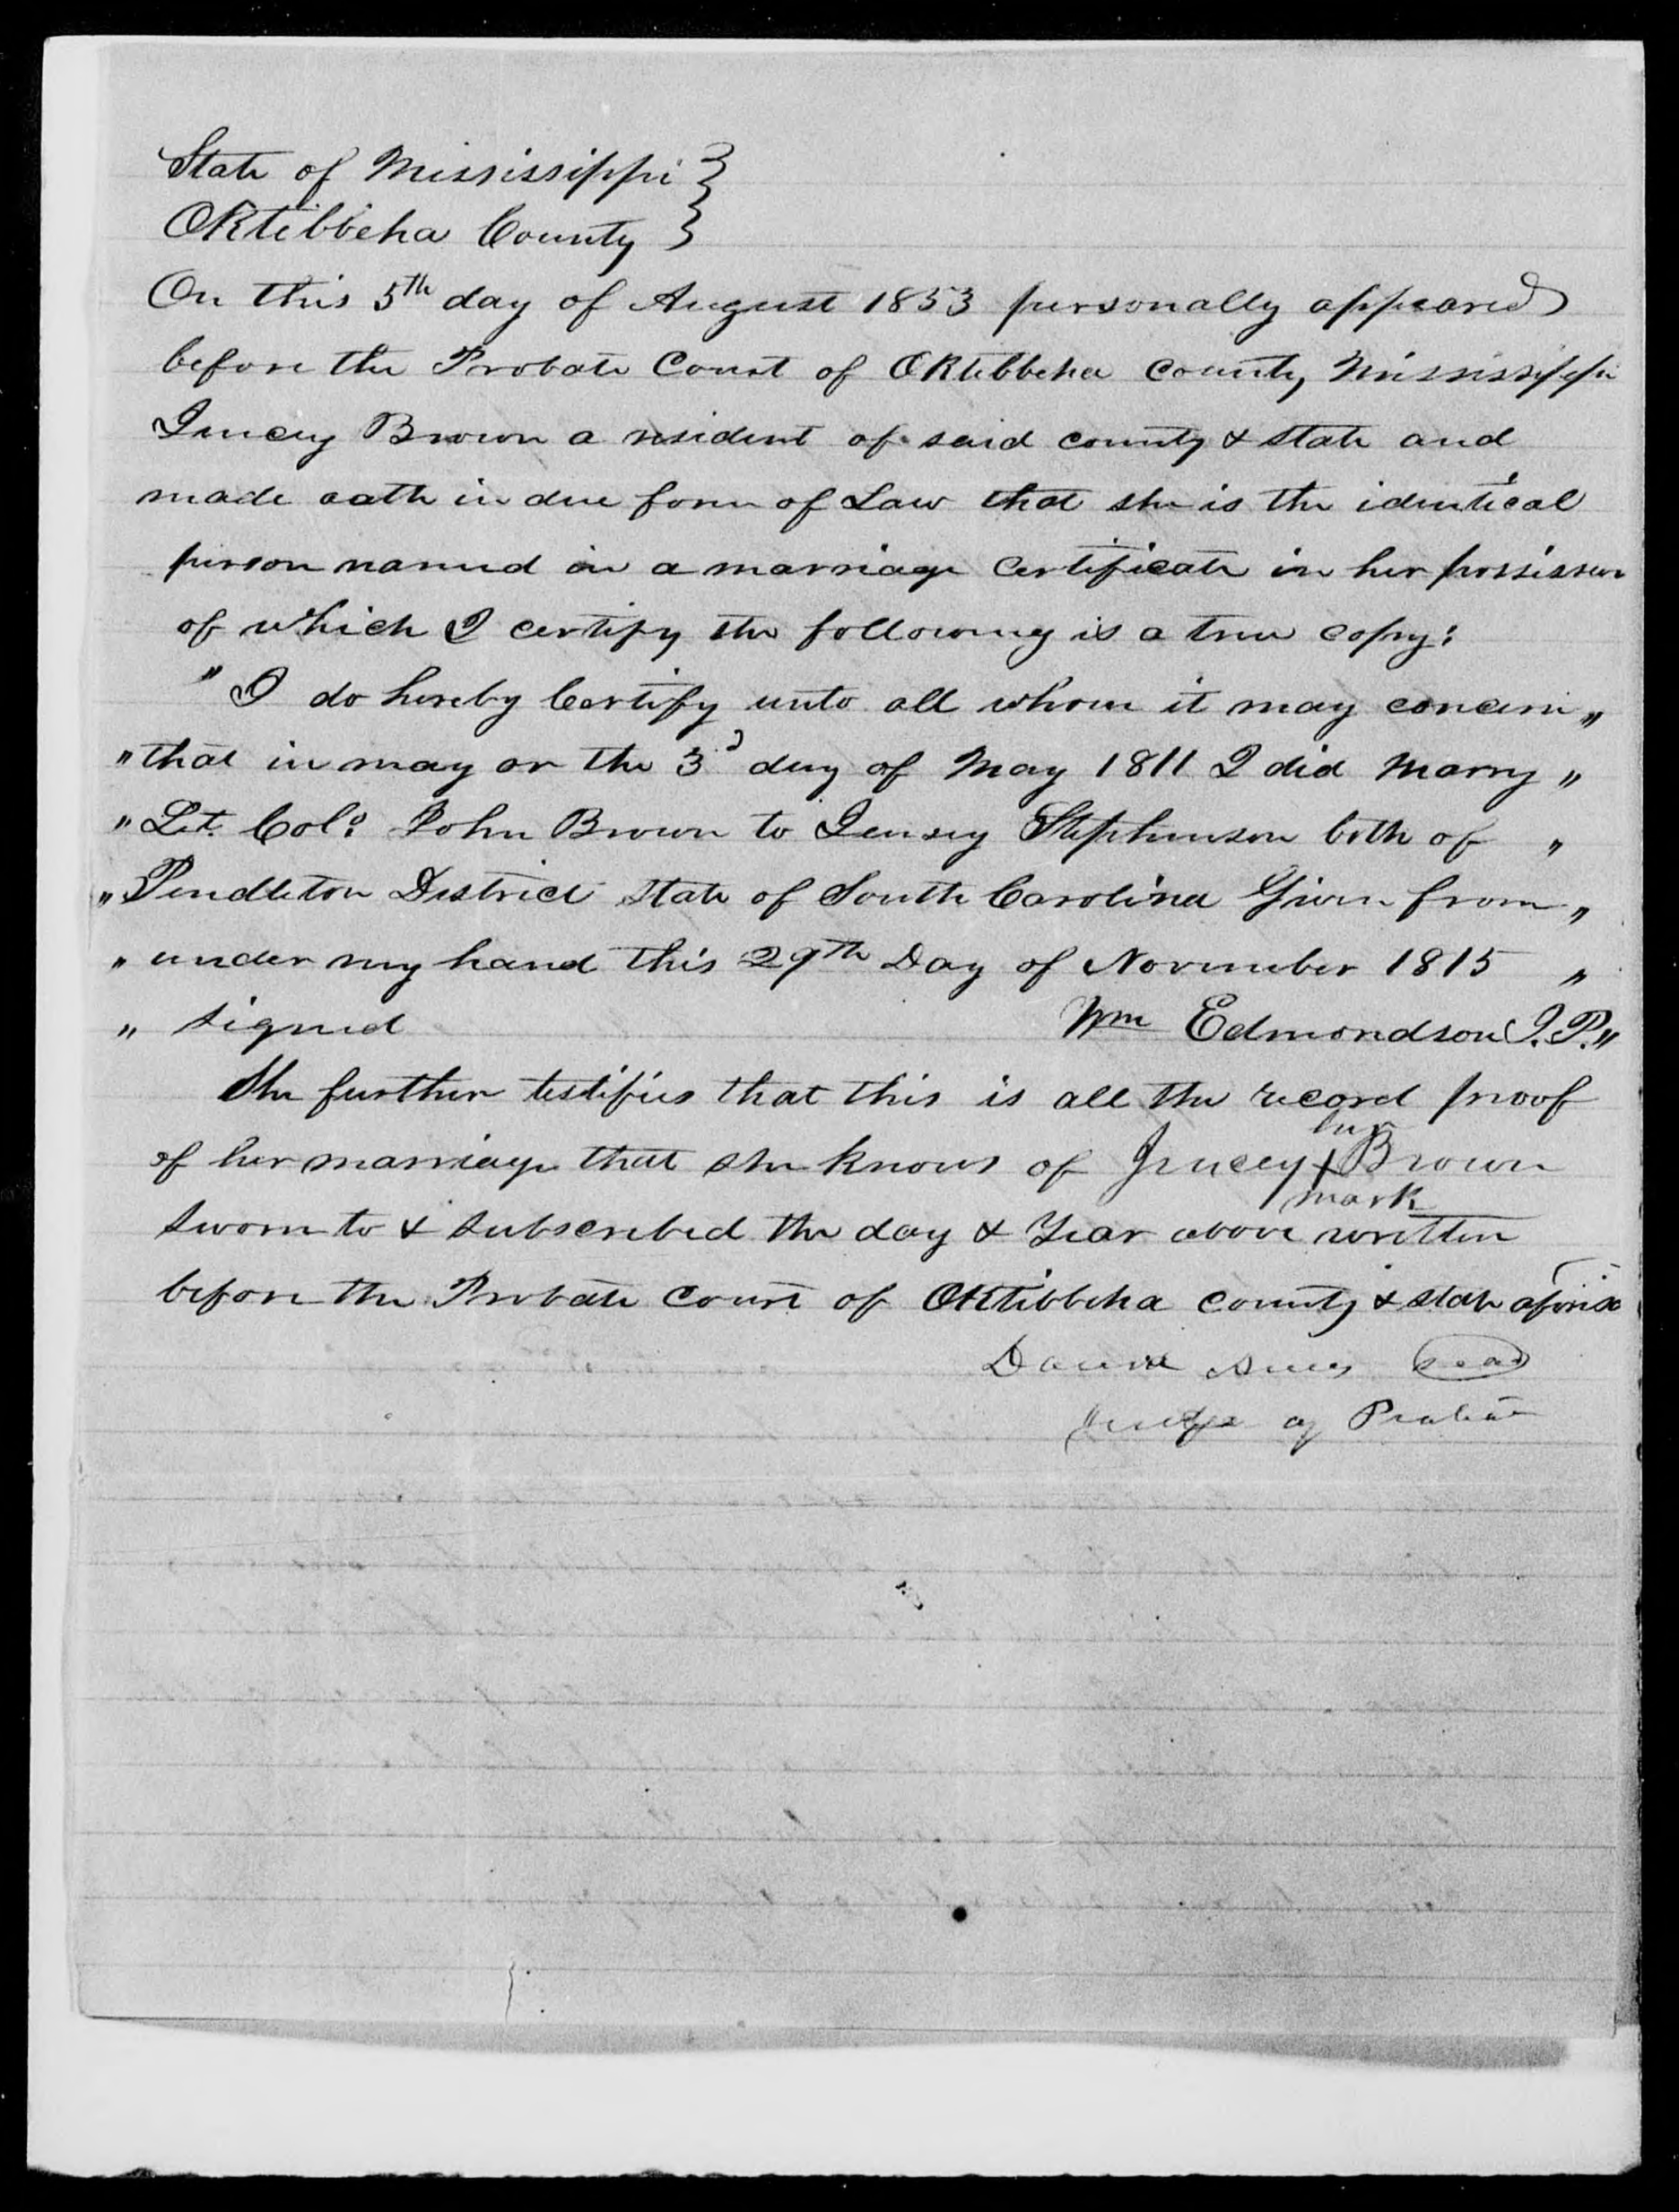State of Mississippi
Oktibbeha County 
On this 5th day of August 1853 personally appeared
before the Probate Court of Oktibbeha County Mississippi
Jincey Brown a resident of said county & State and
made oath in due form of Law that she is the identical
person named on a marriage certificate in her possession
of which I certify the following is a true copy:
"I do hereby certify unto all whom it may concern
that in may on the 3d day of May 1811 I did marry
Lt Col. John Brown to Jensey Stephenson both of
Pendleton District State of South Carolina Given from
under my hand this 29th day of November 1815"
signed
Wm Edmondson J. P.
She further testifies that this is all the record proof
of her marriage that she knows of Jincey Brown her X mark
Sworn to & subscribed the day & year above written
before the Probate Court of Oktibbeha County & State aforesaid
David Ames
Judge of Probate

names: Wm Edmondson, Jincey Brown, Jensey Stephenson, Jincey Brown, David Ames, Marry, John Brown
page: 13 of 85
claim: widow's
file: W. 5,906, John Brown, S.C.